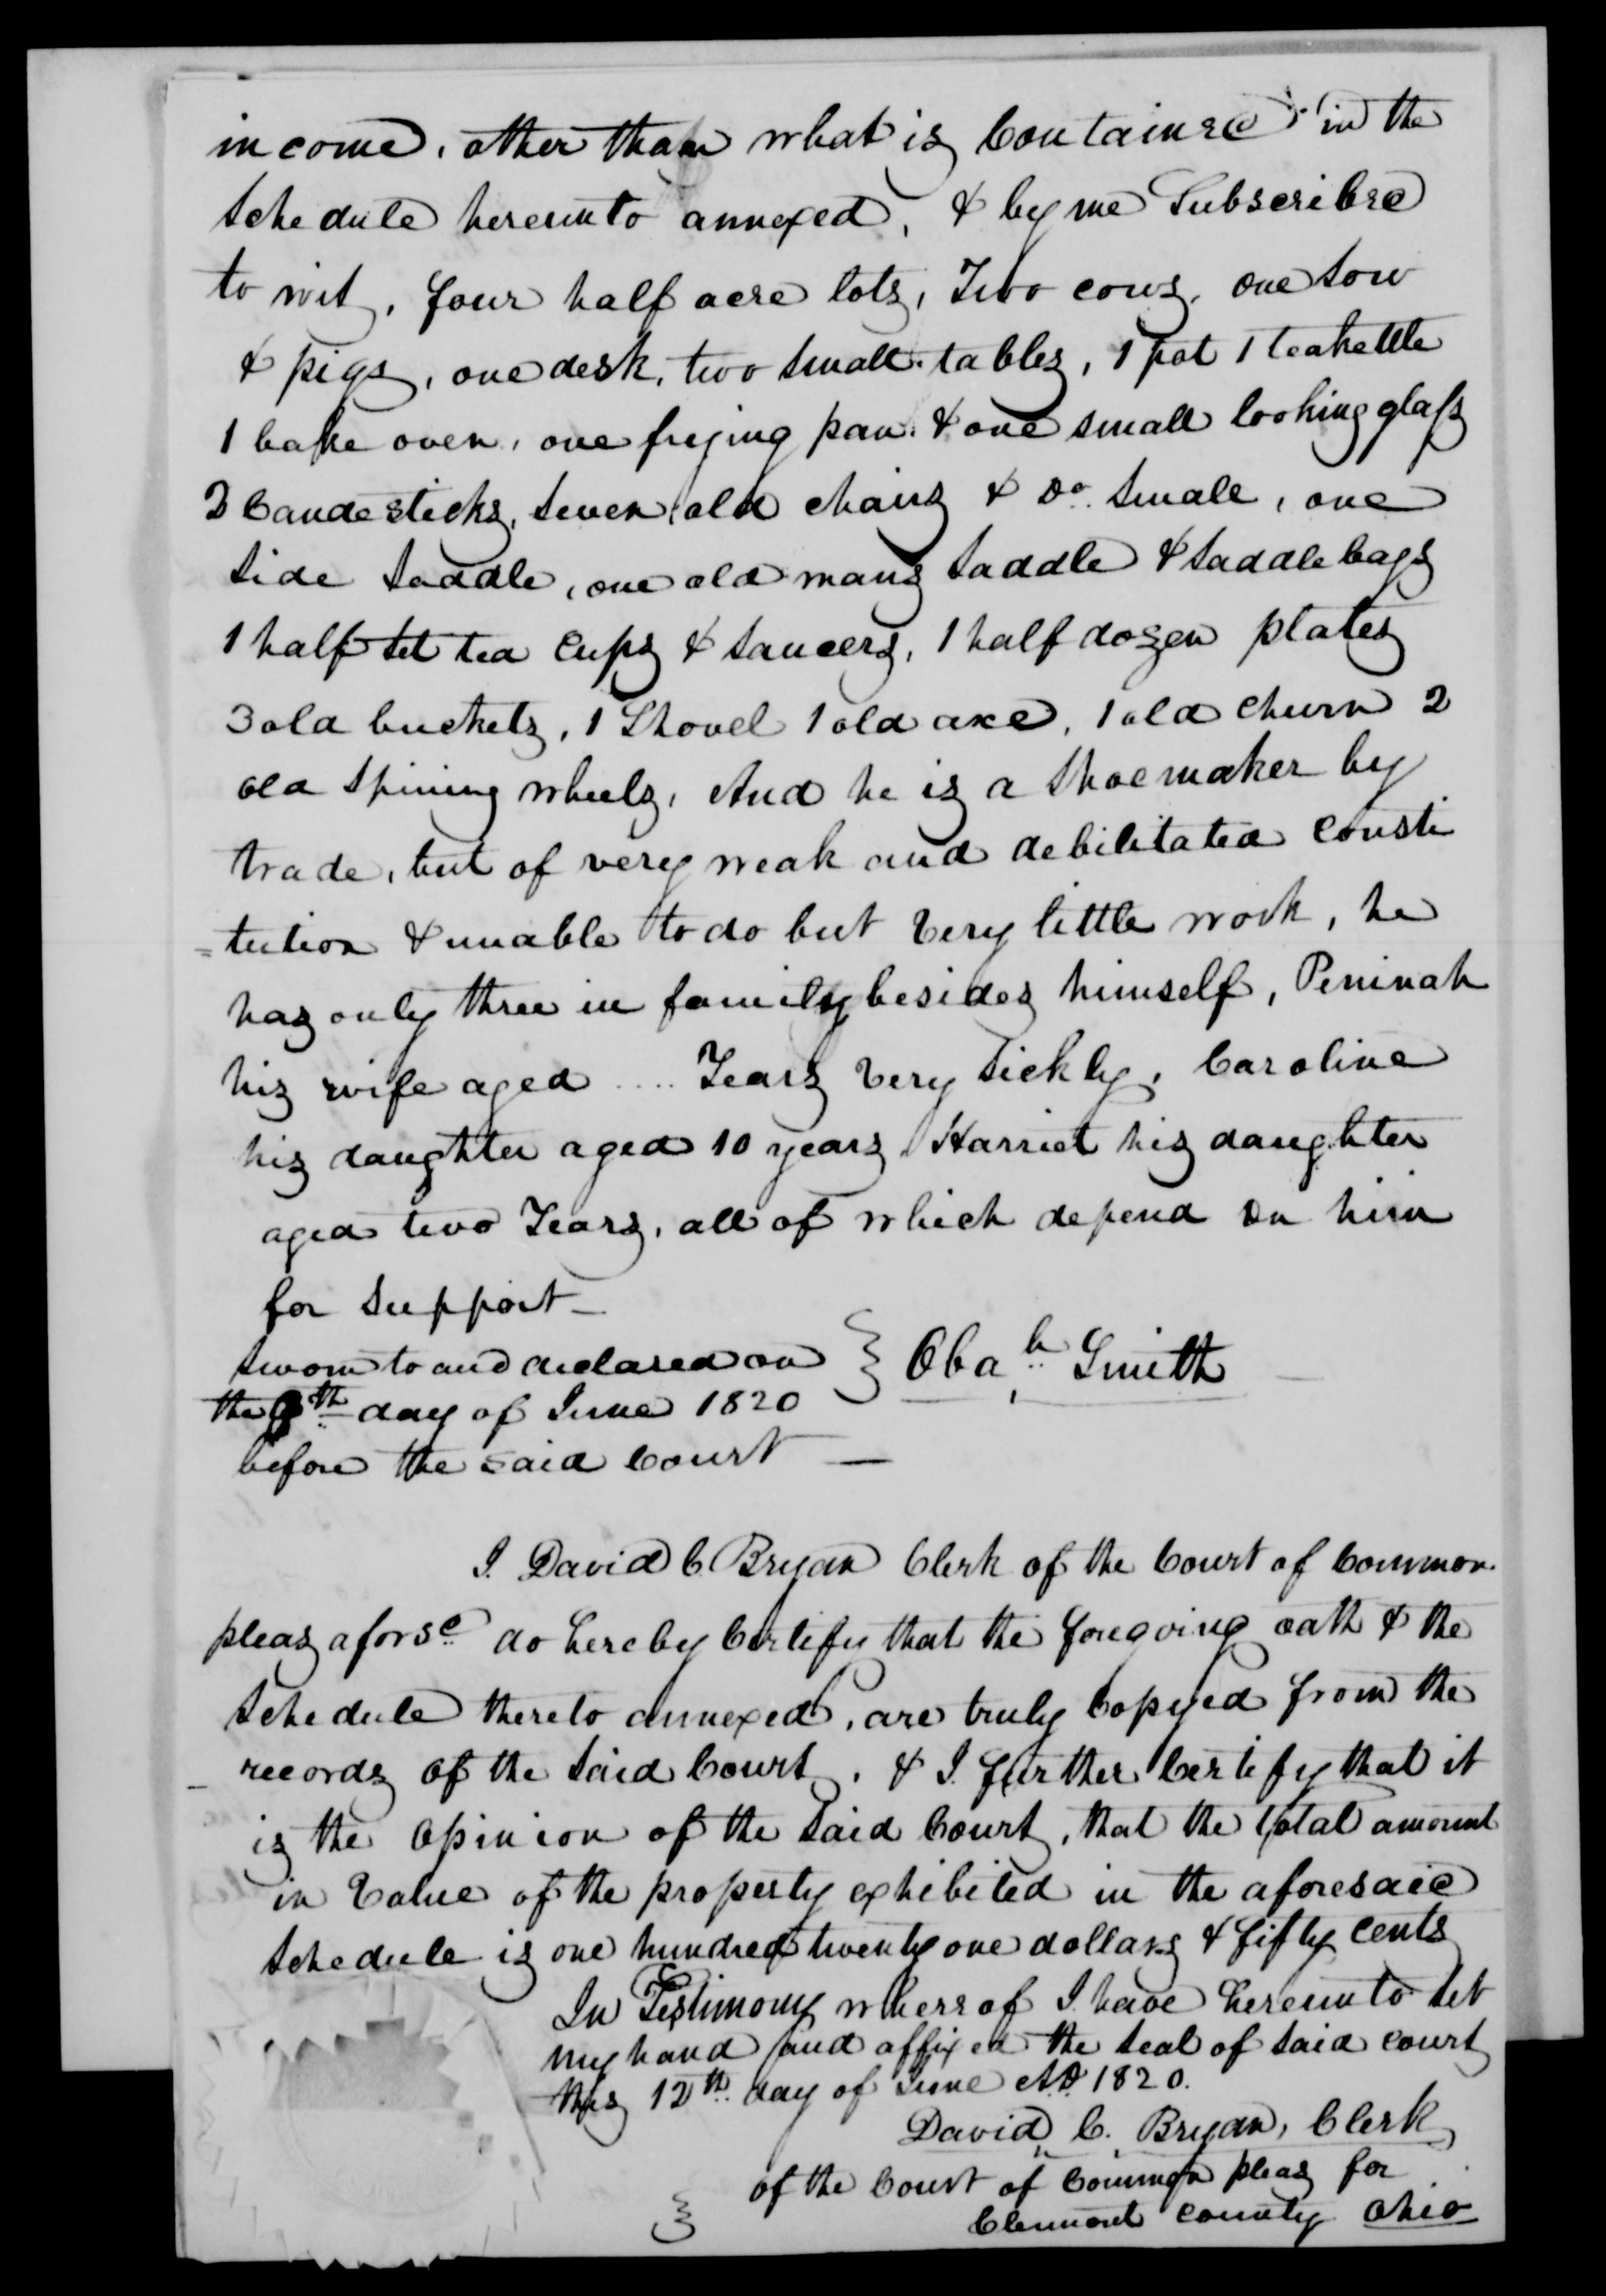income, other than what is Contained in the Schedule hereunto annexed, & by me Subscribed to wit, four half acre lots, Two cows, one Sow & pigs, one desk, two small tables, 1 pot 1 teakettle 1 bake oven, one frying pan & one small looking glass 2 Candlesticks, Seven old chairs & do. Small, one side Saddle, one old mans Saddle & Saddle bags 1 half set tea cups & Saucers, 1 half dozen plates 3 old buckets, 1 Shovel 1 old arce [??] , 1 old churn 2 old Sinning wheels, And he is a Shoemaker by trade, but of very weak and debilitated constitution & unable to do but very little work, he has only three in family besides himself, Peninah his wife aged [blank] Years very sickly, Caroline his daughter aged 10 years Harriet his daughter aged two Years, all of which depend on him for support [signature:] Obah. Smith 
Sworn to and declared on the 9th day of June 1820 before the said Court } 
I David C Bryan Clerk of the Court of Common Pleas aforsd. do hereby Certify that the foregoing oath & the Schedule thereto annexed, are truly copyed [sic] from the records of the said Court. & I further Certify that it is the opinion of the Said Court, that the total amount in Value of the property exhibited in the aforesaid Schedule is one hundred twenty one dollars & fifty cents In Testimony whereof I hereunto set my hand an d affixed the Seal of Said Court this 12th day of June A. D. 1820. [signature:] David C. Bryan, Clerk of the Court of Common Pleas for Clermont County Ohio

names: Obah Smith; Caroline [BLANK]; David C Bryan; Peninah [BLANK]; Harriet [BLANK]; David C Bryan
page: 5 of 66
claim: survivor's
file: S 40458, for Obadiah Smith, New York